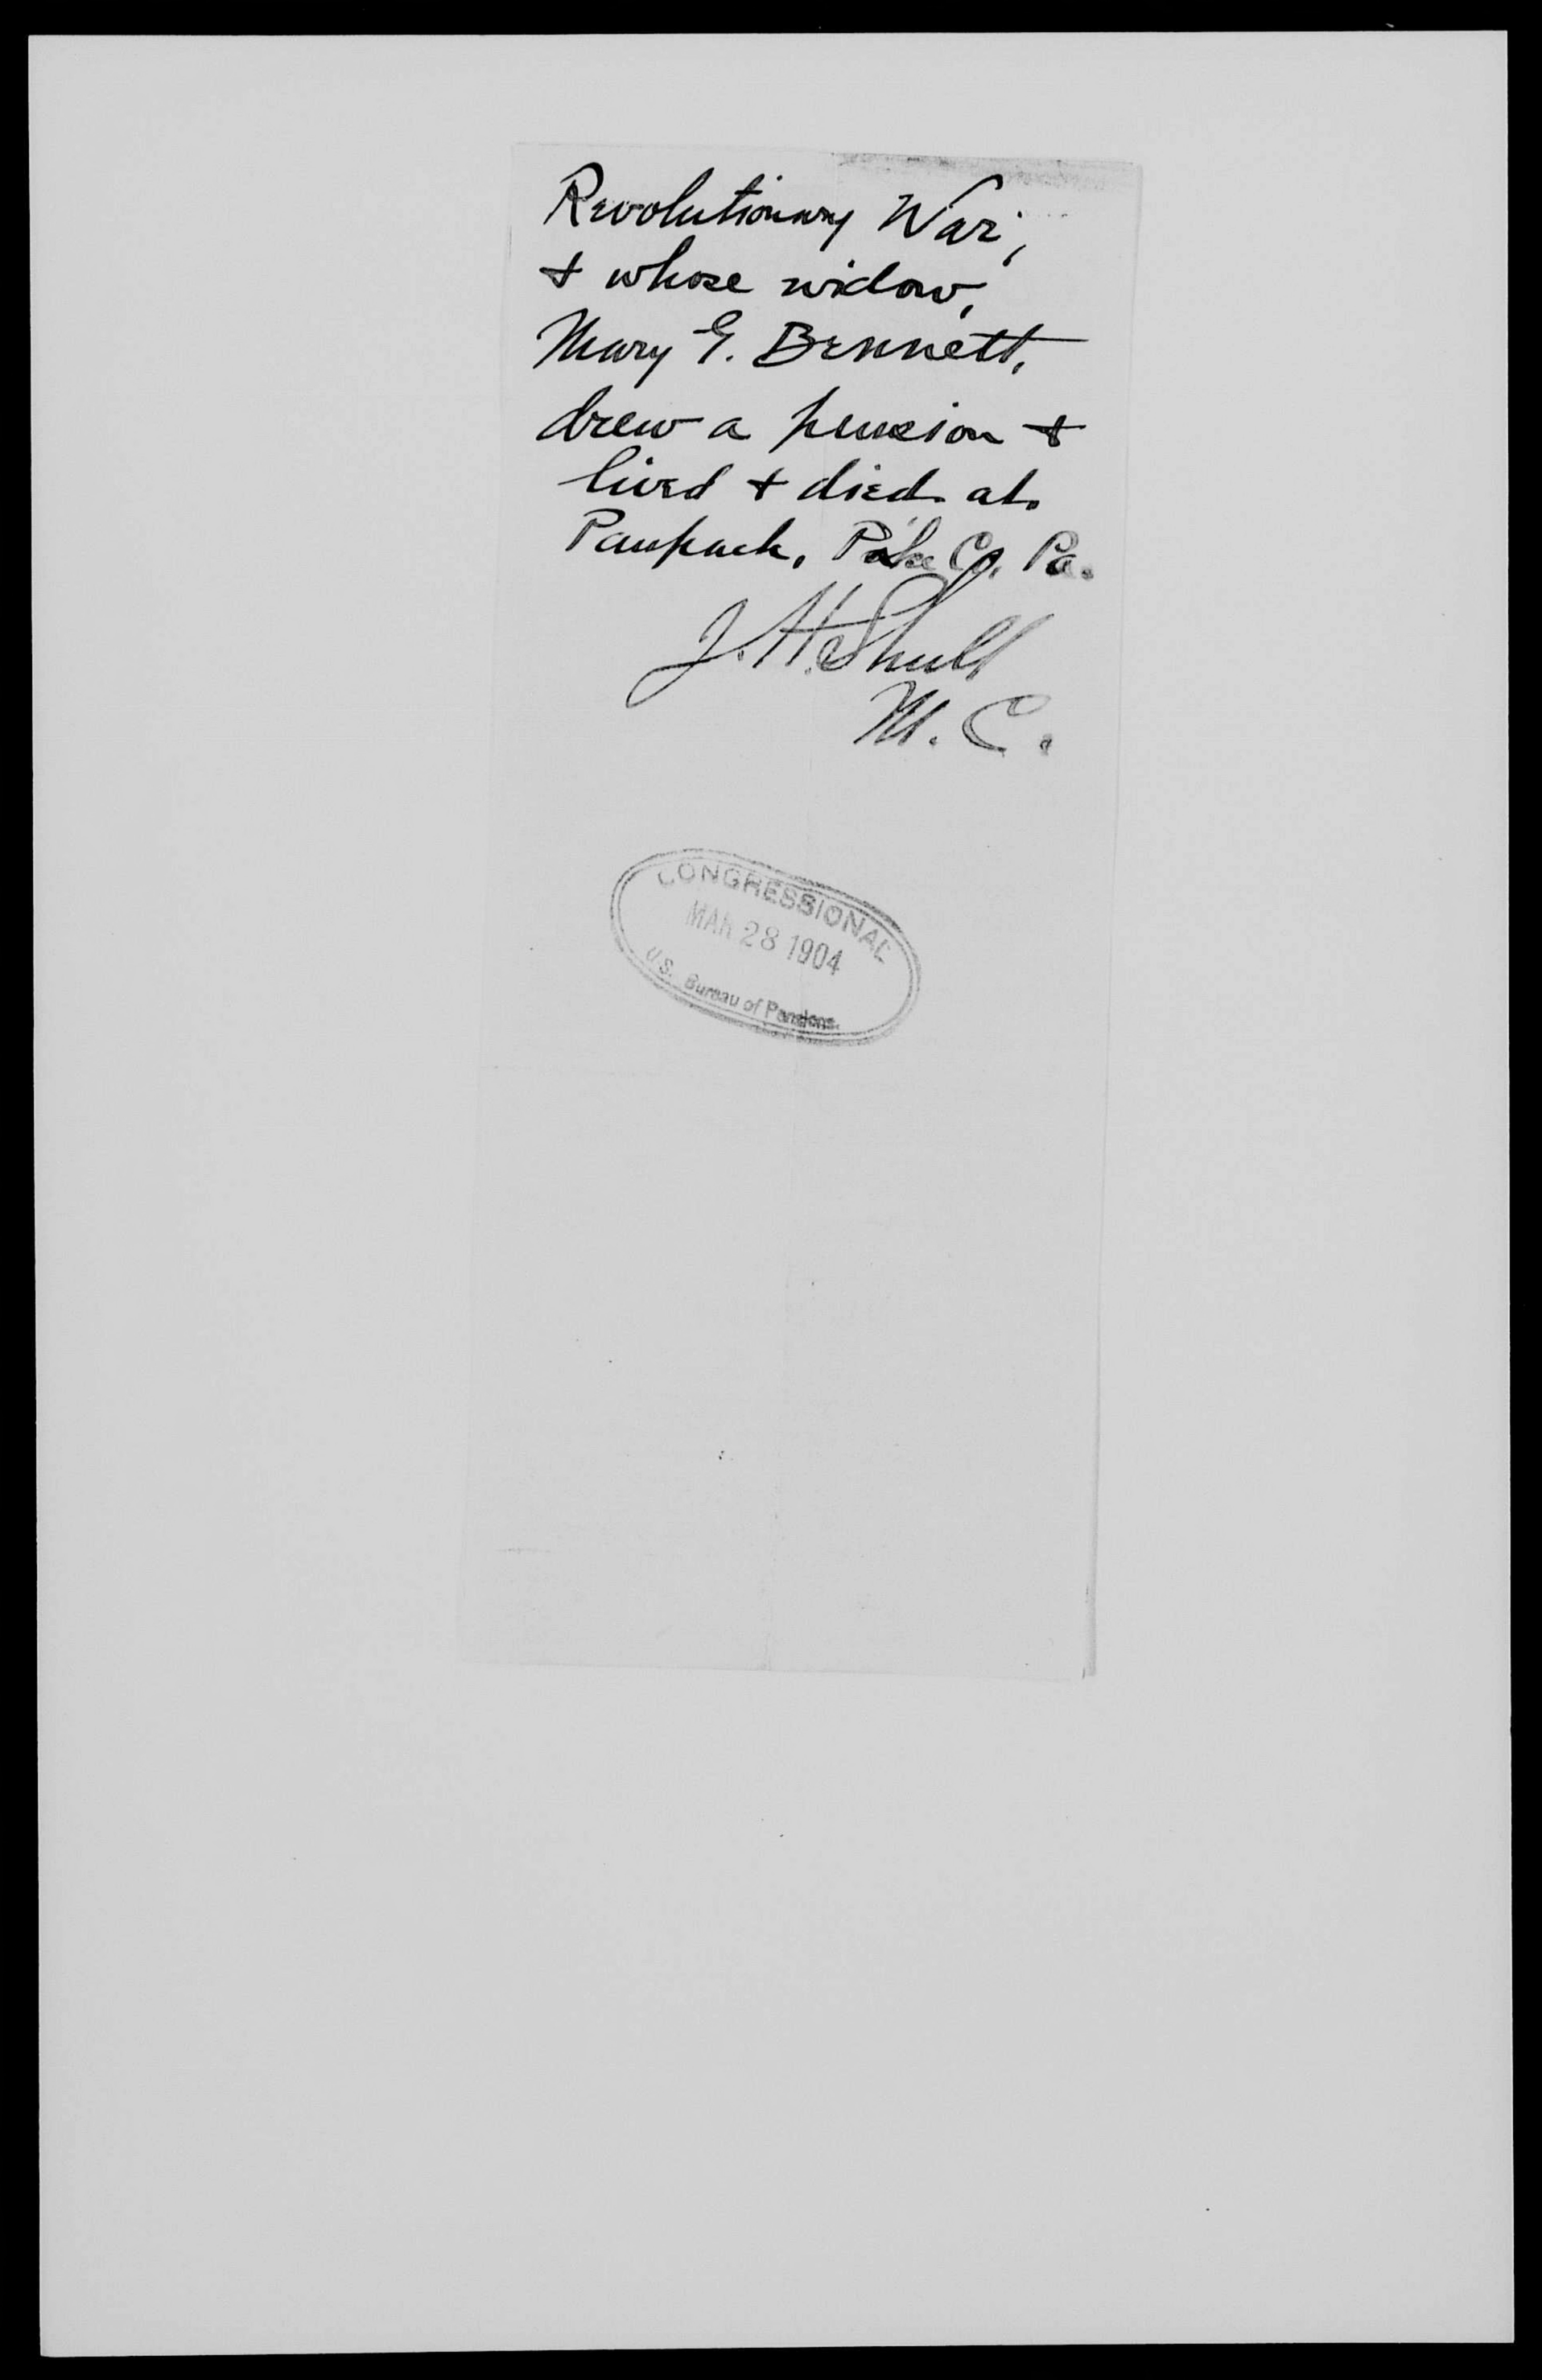Revolutionary War and whose widow, Mary G. Bennett, drew a pension
and lived and died at Paupack, Pike Co Pa.

J H Shull, M. C.

[File Stamped] CONGRESSIONAL 
U.S. Bureau of Pensions
March 28, 1904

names: J H Shull, Mary G Bennett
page: 22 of 79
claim: widow's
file: W. 2,906, Stephen Bennet, Conn.